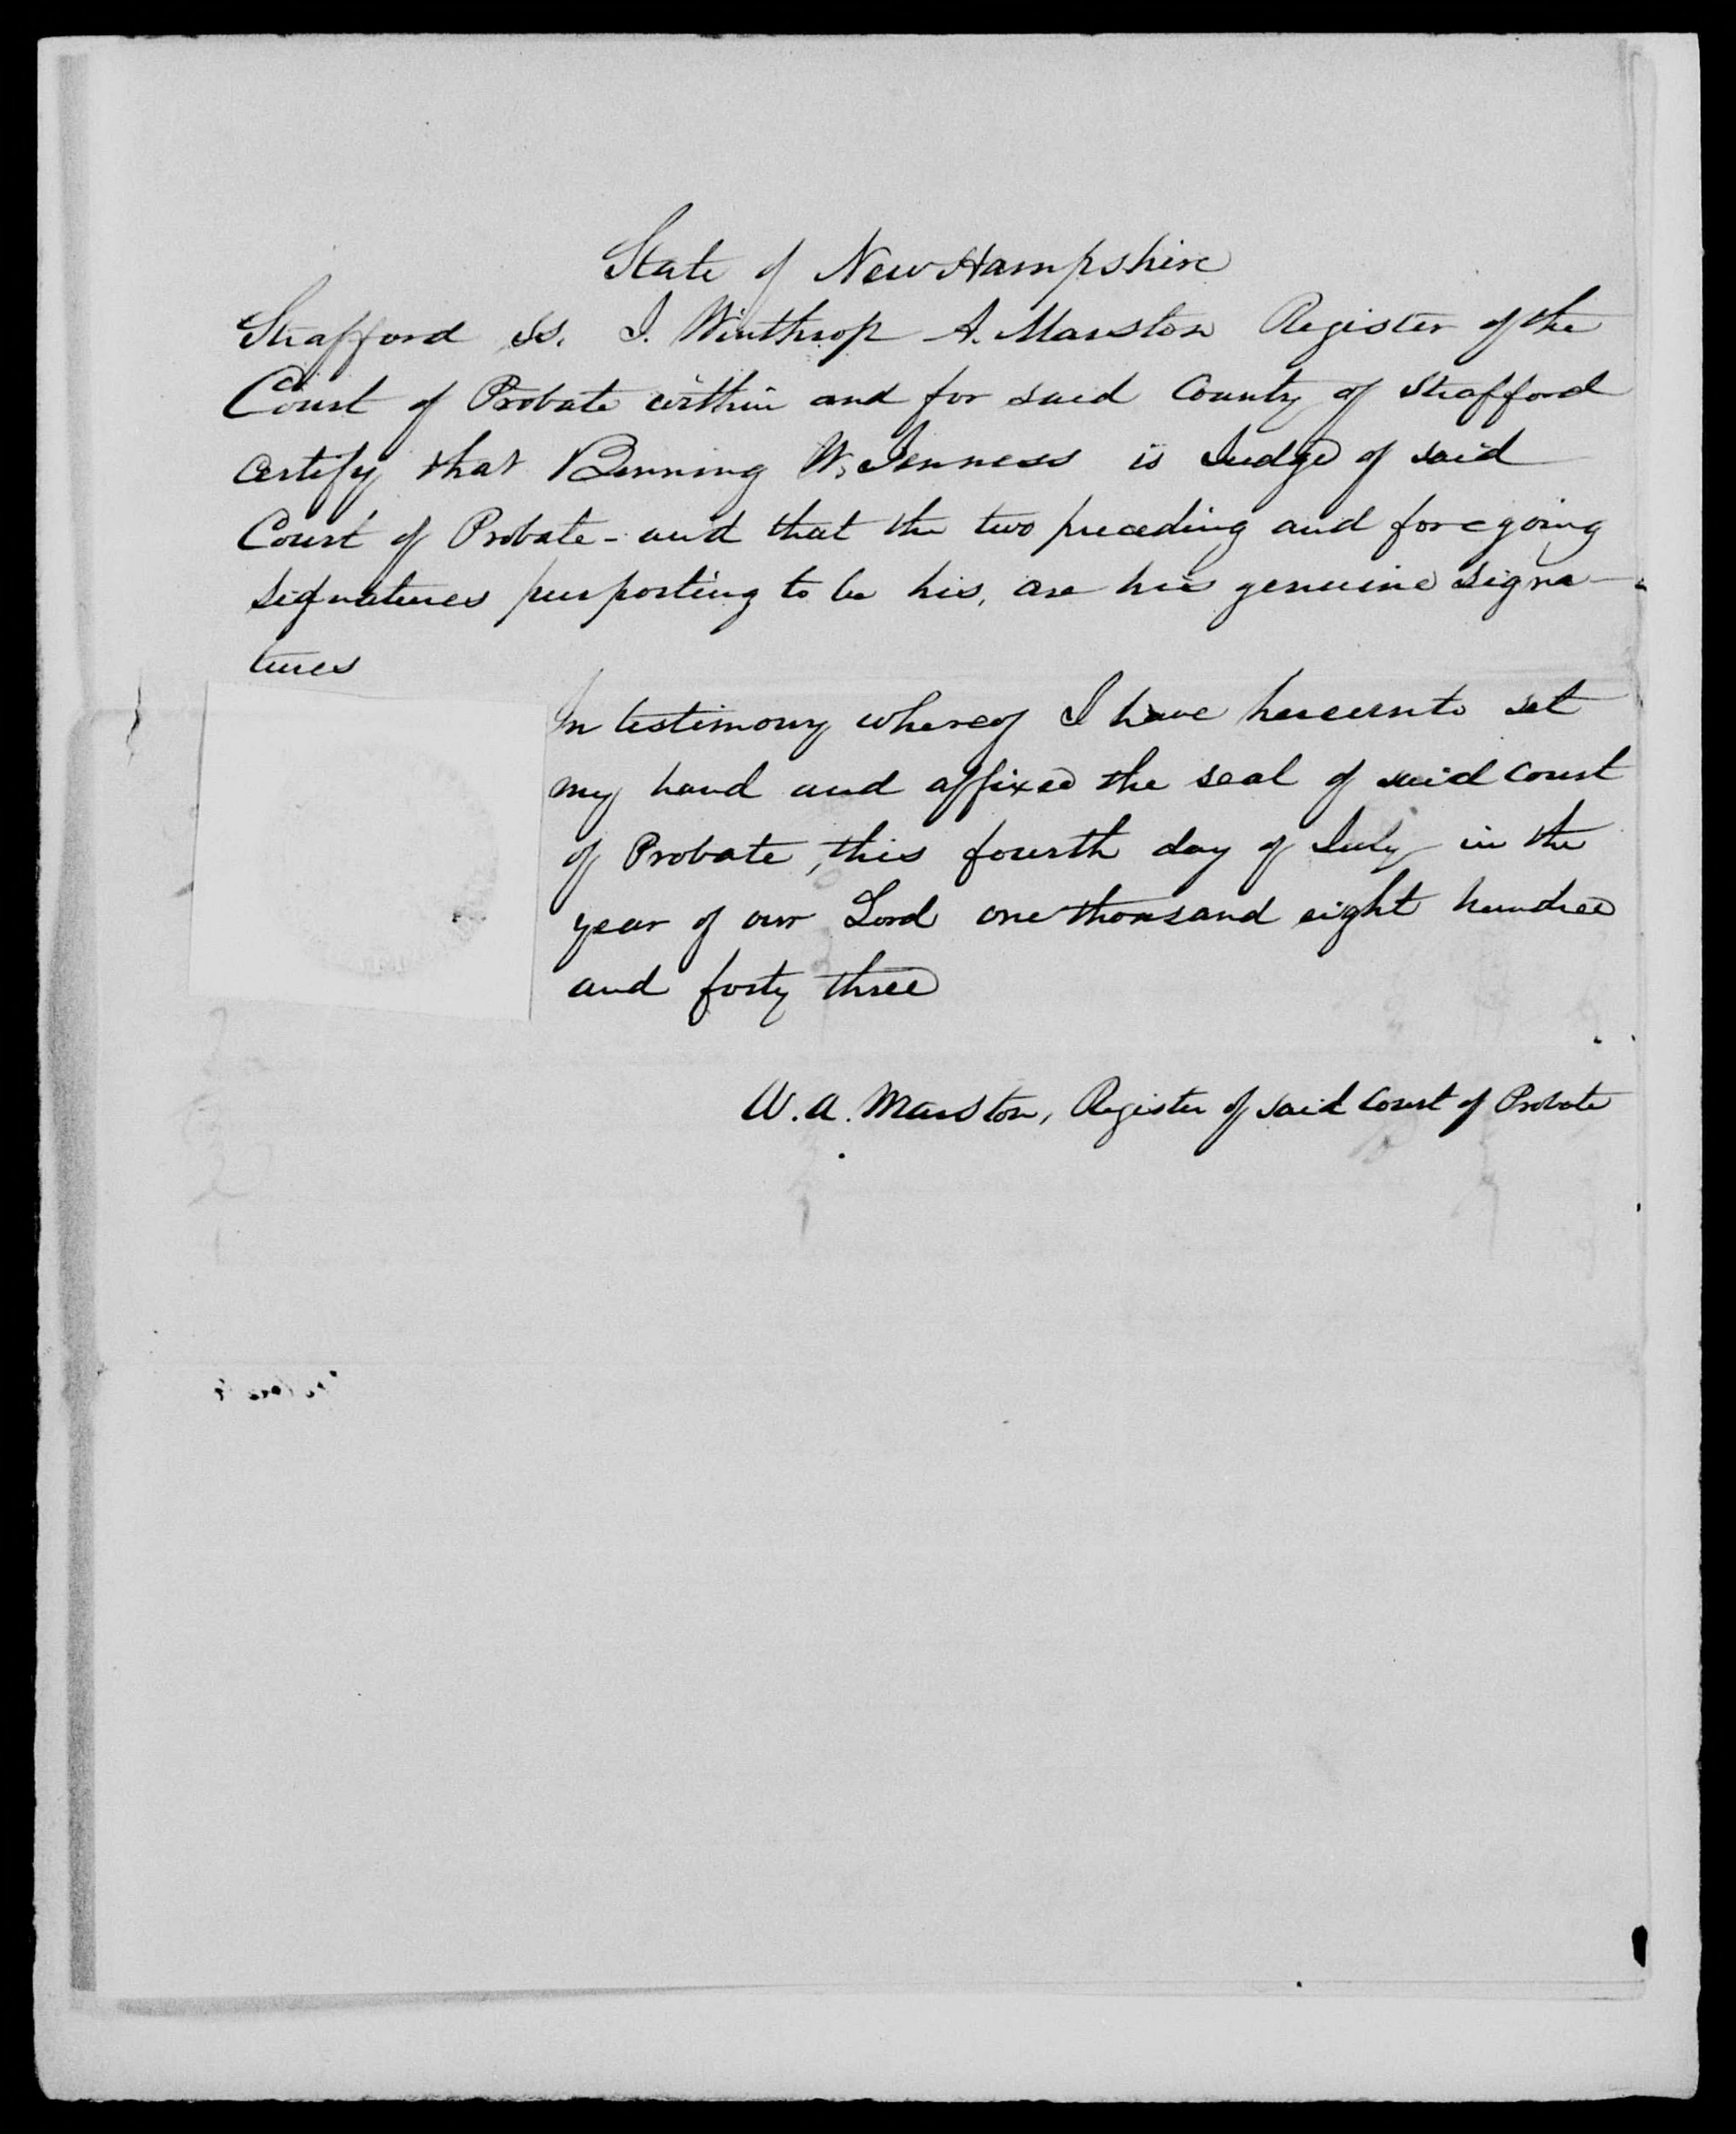State of New Hampshire Strafford SS
I, Winthrop A. Marston, Register of the Court of Probate within and for said County of Strafford, certify that Benning W. Jenness is Judge of said court of probate and that the two preceding and foregoing signatures purporting to be his, are his genuine signatures. In testimony whereof I have hereunto set my hand and affixed the seal of said Court of Probate this fourth day of July in the year of our Lord one thousand eight hundred and forty three

W. A. Marston, register of said Court of Probate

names: Benning W Jenness, Winthrop A Marston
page: 35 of 35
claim: widow's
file: W. 16127, Israel Huckins, N.H.